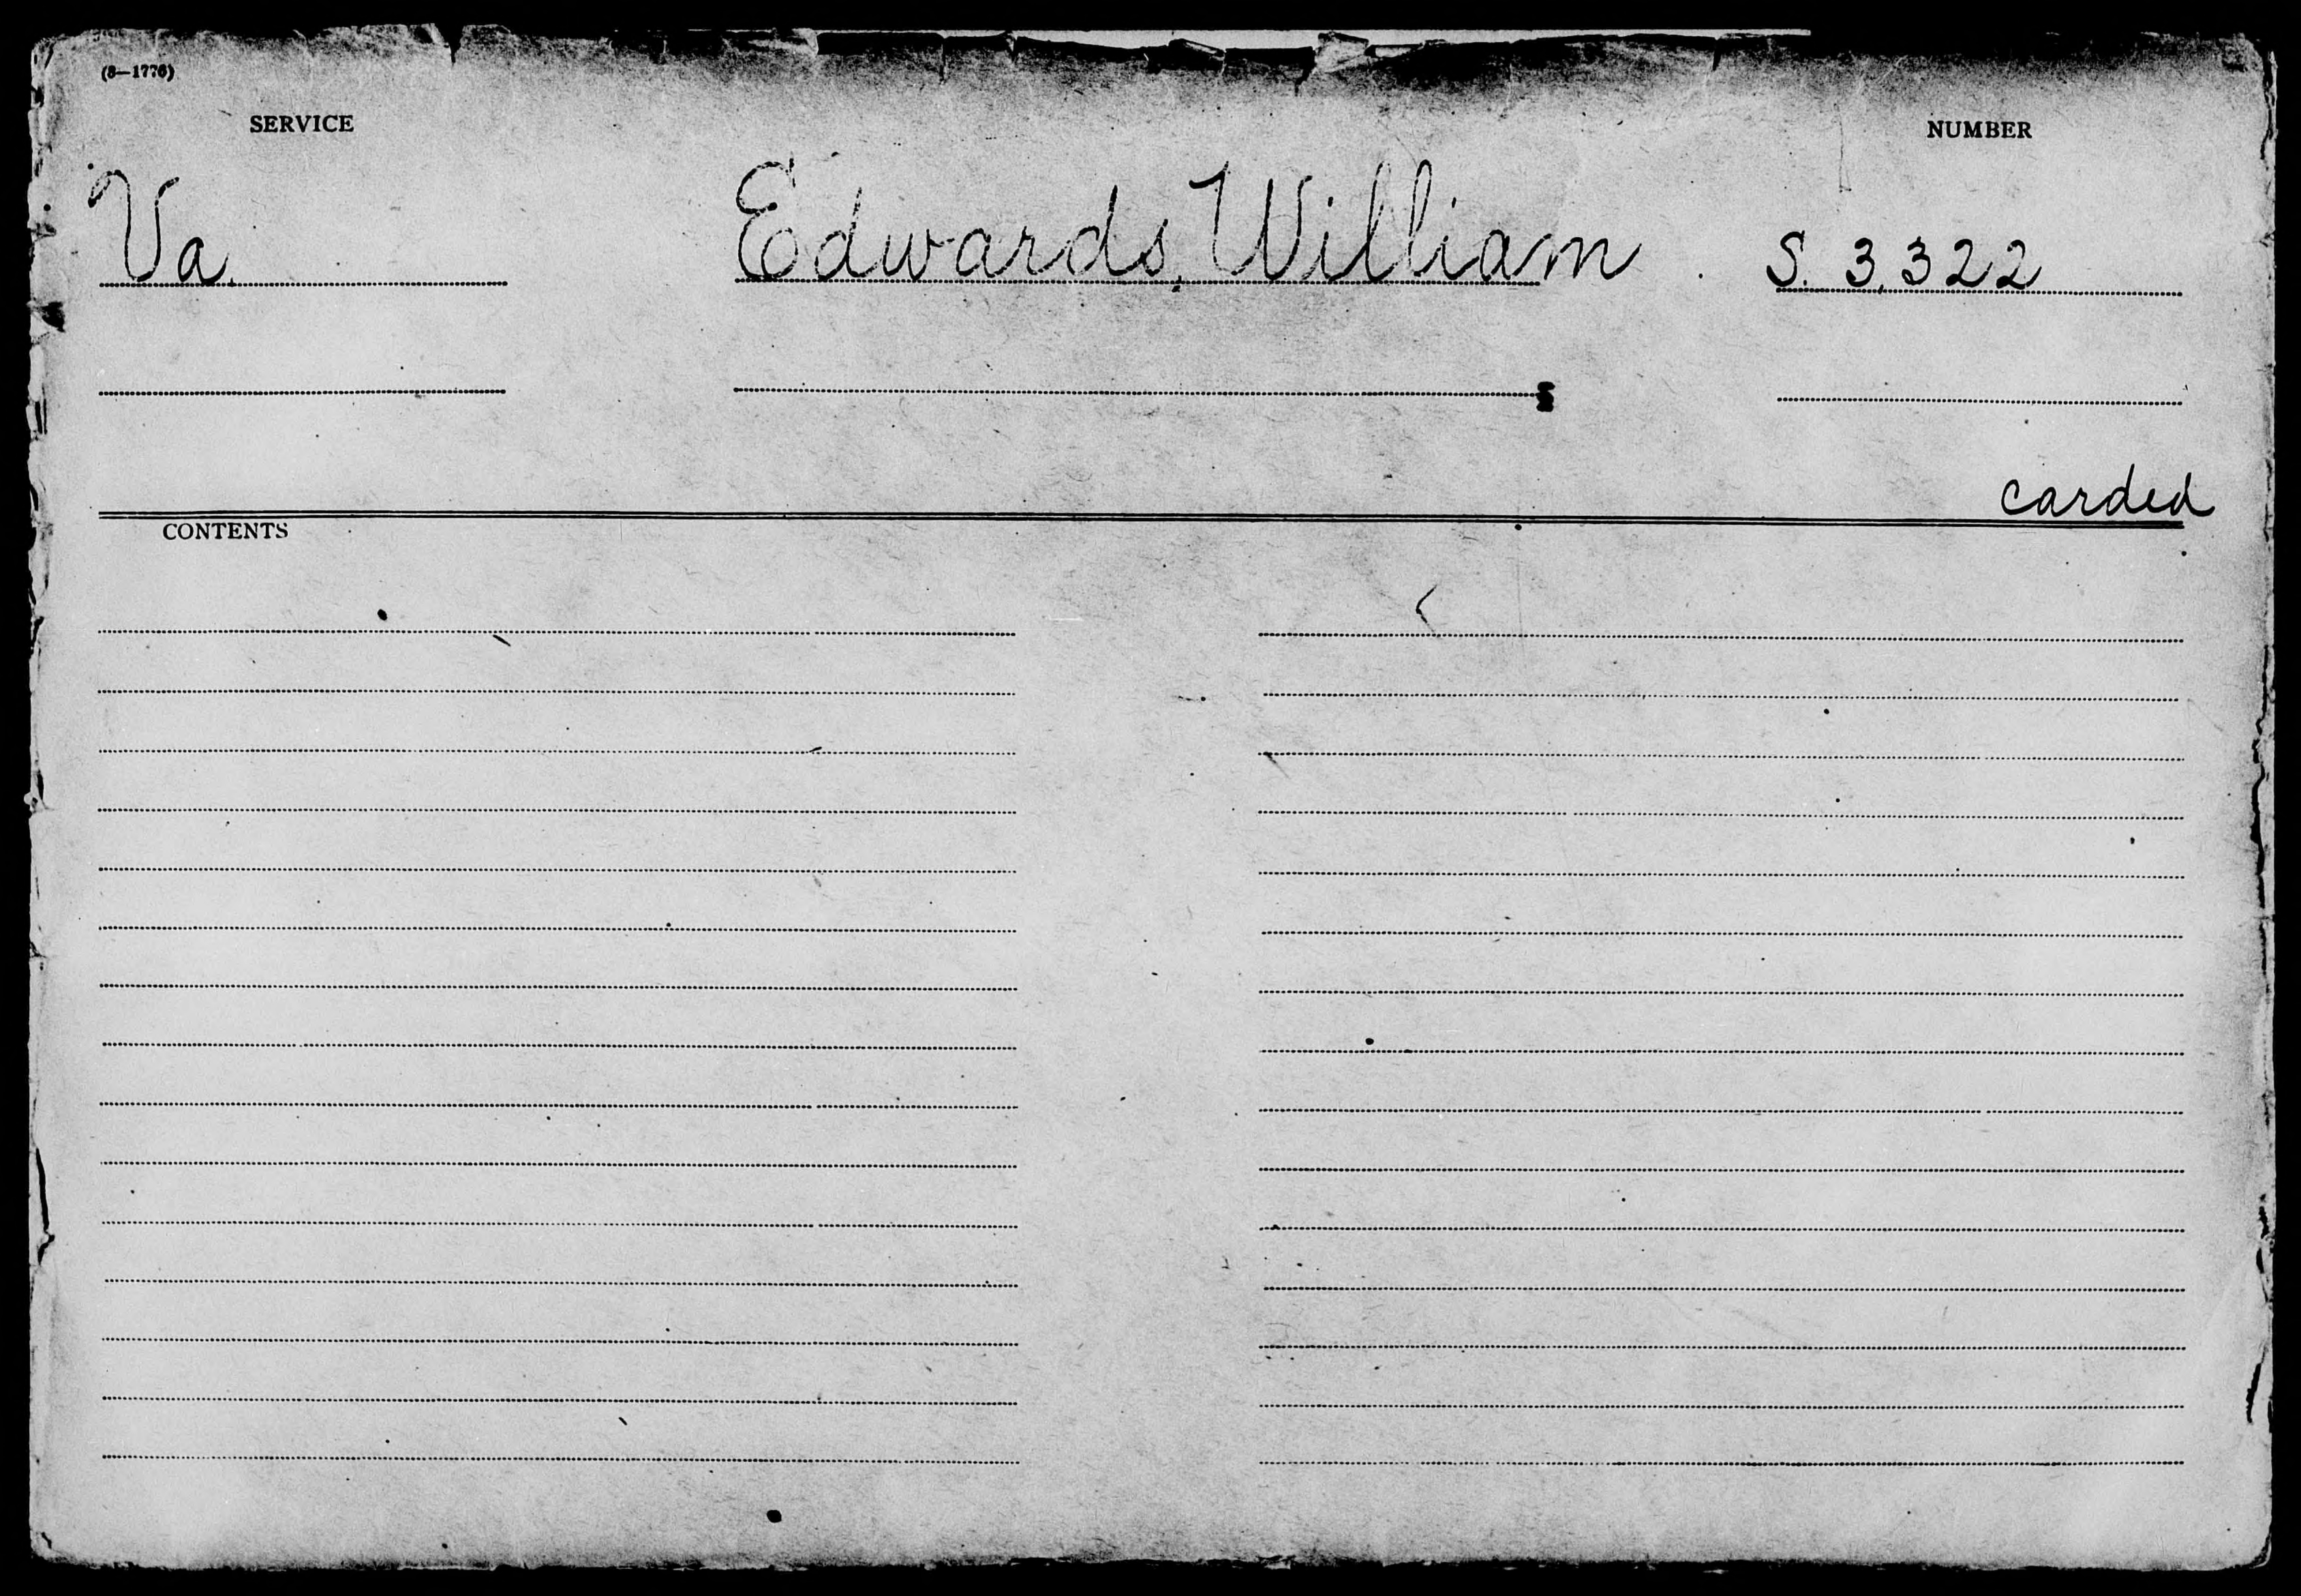SERVICE: Va
Edwards, William
NUMBER: S. 3322
carded
CONTENTS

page: 1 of 47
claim: survivor's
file: S. 3,322, William Edwards, Va.